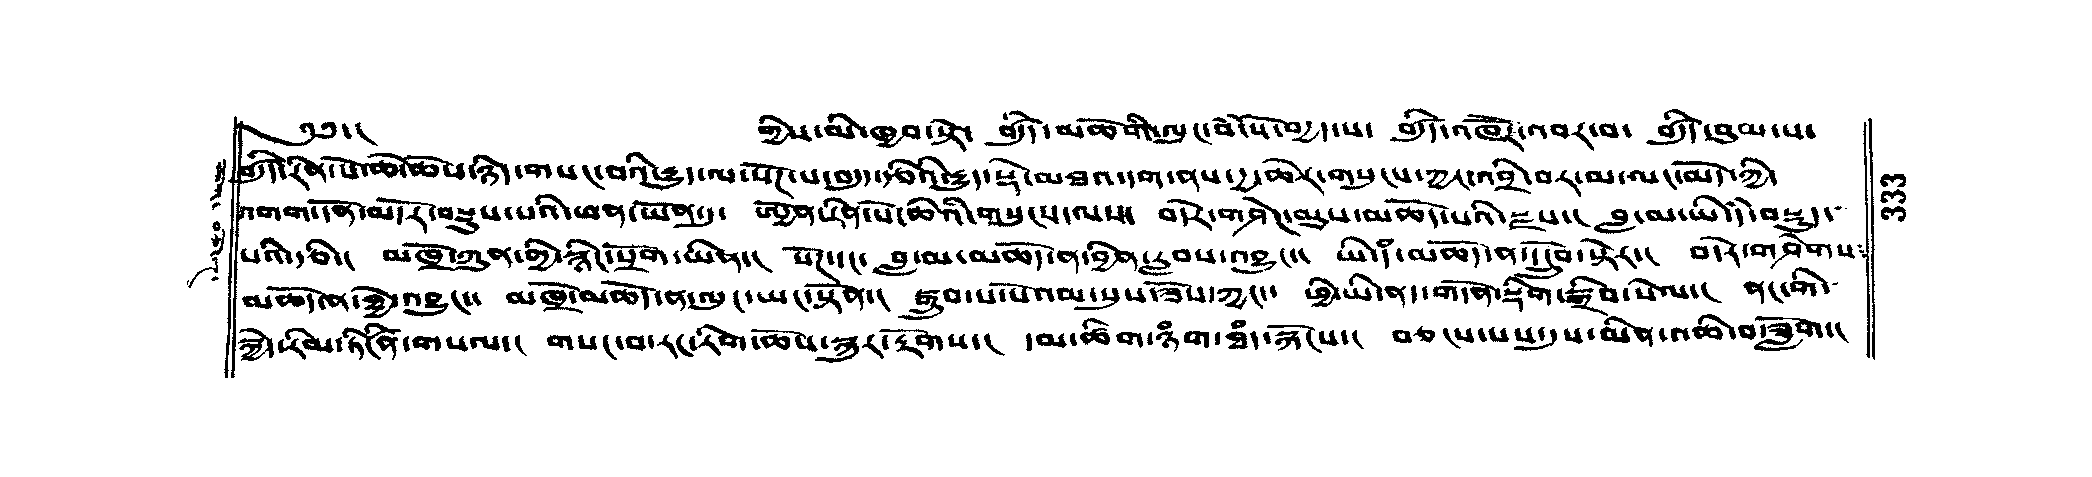གྱིས་མི་ཁྱབ་སྟེ། བདུད་རྩི་མཆོག་གི་ལུང་བམ་སོ་བརྒྱད་པ། བདུད་རྩི་འཁོར་ལོ་འབར་བ། བདུད་རྩི་བུམ་པ། 
བདུད་རྩི་རིན་པོ་ཆེ་ཆོས་ཉིད་གསང་བའི་རྒྱུད་ལ་སོགས་པ་བདུད་རྩིའི་རྒྱུད་སྡེ་མཐའ་དག་ནས་རྒྱ་ཆེར་གསུངས་ཀྱང་འབྲི་བར་མ་ལགས་མོད་ཀྱི། 
འགག་དོན་མདོར་བསྡུས་པའི་ཕན་དོན་དུ། ཨོ་རྒྱན་རིན་པོ་ཆེའི་གསུངས་ལས། བདེར་བཤེགས་མ་ལུས་མཆོད་པའི་རྫས། །བླ་མ་ཡི་དམ་བསྡུད་
པའི་རྩི། །མཁའ་འགྲོ་ཀུན་གྱི་སྙིང་སྲོག་ཡིན། །སོགས་དང་། བླ་མ་མཆོད་ན་བྱིན་རླབས་འབྱུང་། །ཡི་དམ་མཆོད་ན་དངོས་གྲུབ་སྟེར། །བདེར་བཤེགས་
མཆོད་ན་ཐུགས་རྗེ་འབྱུང་། མཁའ་འགྲོ་མཆོད་ན་ལུང་ཡང་སྟོན། །སྒྲུབ་པ་པོའམ་སུས་ཟོས་ཀྱང་། ཕྱི་ཡི་ནད་གདོན་སྡིག་སྒྲིབ་སེལ། །ནང་གི་
བསྐྱེད་རིམ་ཏིང་འཛིན་གསལ། །གསང་བ་རང་རིག་ཆོས་སྐུར་རྟོགས། །དམ་ཚིག་ཉམས་ཆགས་ཐམས་ཅད་སྐོངས། །བཅངས་པས་དུས་མིན་འཆི་བ་ཟློག་